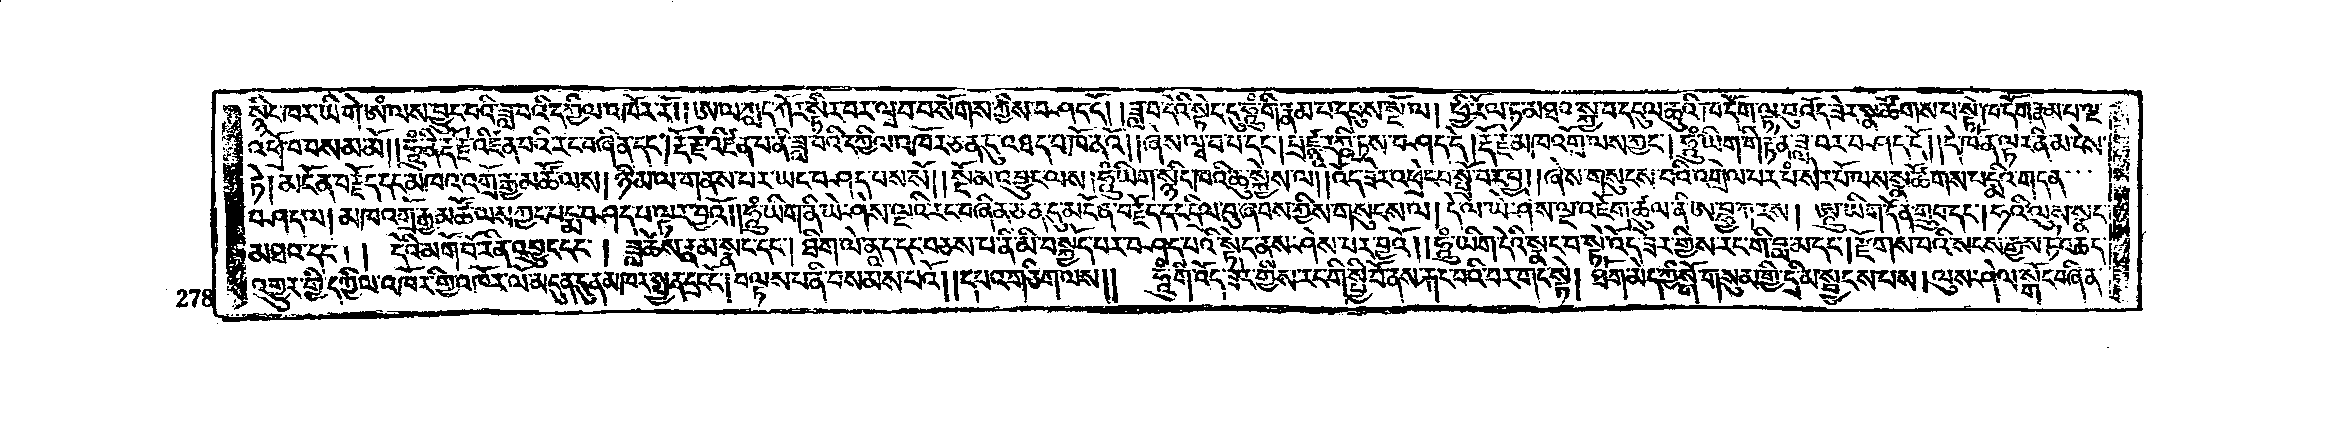སྙིང་ཁར་ཡི་གེ་ཨཾ་ལས་བྱུང་བའི་ཟླ་བའི་དཀྱིལ་འཁོར་རོ། །ཨ་ལ་ཀླད་ཀོར་སྟེར་བར་ལྭ་པ་སོགས་ཀྱིས་བཤད་དོ། །ཟླ་བ་དེའི་སྟེང་དུ་ཧཱུཾ་གི་རྣམ་པ་དབུས་སྔོ་ལ། ཕྱི་རོལ་ཏེ་མཐའ་སྐྱ་བ་དངུལ་ཆུའི་ཁ་དོག་ལྟ་བུ་འོད་ཟེར་སྣ་ཚོགས་པ་སྟེ་ཁ་དོག་རྣམ་པ་ལྔ་
འཕྲོ་བ་བསམ་མོ། །ཧཱུཾ་ནི་རྡོ་རྗེ་འཛིན་པའི་རང་བཞིན་དང་། རྡོ་རྗེ་འཛིན་པ་ནི་ཟླ་བའི་དཀྱིལ་འཁོར་ཅན་དུ་འཐད་པ་ཁོ་ན་འོ། །ཞེས་ལྭ་བ་པ་དང་། པྲཛྙཱ་རཀྵི་ཏས་བཤད་དེ། རྡོ་རྗེ་མཁའ་འགྲོ་ལས་ཀྱང་། ཧཱུཾ་ཡིག་གི་རྟེན་ཟླ་བར་བཤད་དོ། །དེ་ཁོ་ན་ལྟར་ནི་མ་ངེས་
ཏེ། མངོན་བརྗོད་དང་མཁའ་འགྲོ་རྒྱ་མཚོ་ལས། ཉི་མ་ལ་གནས་པར་ཡང་བཤད་པས་སོ། །སྡོམ་འབྱུང་ལས། ཧཱུཾ་ཡིག་སྙིང་ཁའི་ཆུ་སྐྱེས་ལ། །འོད་ཟེར་འཕྲེང་བ་སྤྲོ་བར་བྱ། །ཞེས་གསུངས་པའི་འགྲེལ་པར་པཾ་སེར་པོ་ལས་སྣ་ཚོགས་པདམའི་གདན་
བཤད་ལ། མཁའ་འགྲོ་རྒྱ་མཚོ་ལས་ཀྱང་པདམ་བཤད་པ་ལྟར་བྱའོ། །ཧཱུཾ་ཡིག་ནི་ཡེ་ཤེས་ལྔའི་རང་བཞིན་ཅན་དུ་མངོན་བརྗོད་དང་དྲིལ་བུ་ཞབས་ཀྱིས་གསུངས་ལ། དེ་ལ་ཡེ་ཤེས་ལྔ་འཇོག་ཚུལ་ནི་ཨ་བྷྱ་ཀ་རས། ཨཱུ་ཡིག་དོན་གྲུབ་དང་། ཧའི་ལུས་སྣང་
མཐའ་དང་། དེའི་མགོ་བོ་རིན་འབྱུང་དང་། ཟླ་ཚེས་རྣམ་སྣང་དང་། ཐིག་ལེ་ནཱ་ད་དང་བཅས་པ་ནི་མི་བསྐྱོད་པར་བཤད་པའི་སྟེང་ནས་ཤེས་པར་བྱའོ། །ཧཱུཾ་ཡིག་དེའི་སྣང་བ་སྟེ་འོད་ཟེར་གྱིས་རང་གི་བླ་མ་དང་། རྫོགས་པའི་སངས་རྒྱས་ཏེ་འཆད་
འགྱུར་གྱི་དཀྱིལ་འཁོར་གྱི་འཁོར་ལོ་མདུན་དུ་ནམ་མཁར་སྤྱན་དྲང་ངེ། བལྟས་པ་ནི་བསམས་པའོ། །དཔའ་གཅིག་ལས། །ཧཱུཾ་གི་འོད་ཟེར་གྱིས་རང་གི་སྤྱི་བོ་ནས་རྐང་པའི་བར་གང་སྟེ། ཐོག་མེད་ཀྱི་སྒོ་གསུམ་གྱི་དྲི་མ་སྦྱངས་པས། ལུས་ཤེལ་སྒོང་བཞིན་